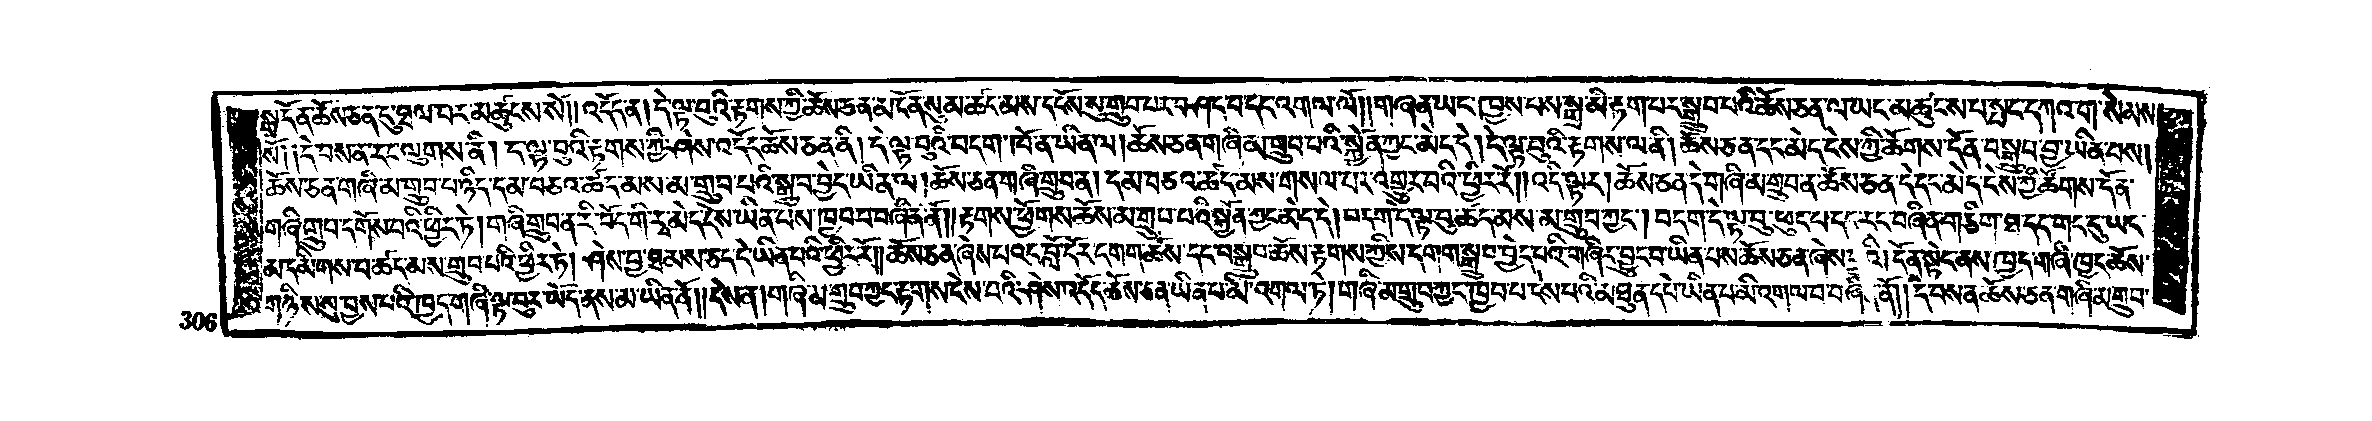སྒྲ་དོན་ཆོས་ཅན་དུ་ཐལ་བར་མཚུངས་སོ། །འདོད་ན། དེ་ལྟ་བུའི་རྟགས་ཀྱི་ཆོས་ཅན་མངོན་སུམ་ཚད་མས་དངོས་སུ་གྲུབ་པར་བཤད་པ་དང་འགལ་ལོ། །གཞན་ཡང་། བྱས་པས་སྒྲ་མི་རྟག་པར་སྒྲུབ་པའི་ཆོས་ཅན་ལ་ཡང་མཚུངས་པ་སྤང་དཀའ་ག་སེམས་
སོ། །དེ་བས་ན་རང་ལུགས་ནི། དེ་ལྟ་བུའི་རྟགས་ཀྱི་ཤེས་འདོད་ཆོས་ཅན་ནི། དེ་ལྟ་བུའི་བདག་ཁོ་ན་ཡིན་ལ། ཆོས་ཅན་གཞི་མ་གྲུབ་པའི་སྐྱོན་ཀྱང་མེད་དེ། དེ་ལྟ་བུའི་རྟགས་ལ་ནི། ཆོས་ཅན་དང་མེད་ངེས་ཀྱི་ཚོགས་དོན་བསྒྲུབ་བྱ་ཡིན་པས།
ཆོས་ཅན་གཞི་མ་གྲུབ་པ་ཉིད་དམ་བཅའ་ཚད་མས་མ་གྲུབ་པའི་སྒྲུབ་བྱེད་ཡིན་ལ། ཆོས་ཅན་གཞི་གྲུབ་ན། དམ་བཅའ་ཚད་མས་གསལ་བར་འགྱུར་བའི་ཕྱིར་རོ། །འདི་ལྟར། ཆོས་ཅན་དེ་གཞི་མ་གྲུབ་ན་ཆོས་ཅན་དེ་དང་མེད་ངེས་ཀྱི་ཚོགས་དོན་
གཞི་གྲུབ་དགོས་པའི་ཕྱིར་ཏེ། གཞི་གྲུབ་ན་རི་བོང་གི་རྭ་མེད་ངེས་ཡིན་པས་ཁྱབ་པ་བཞིན་ནོ། །རྟགས་ཕྱོགས་ཆོས་མ་གྲུབ་པའི་སྐྱོན་ཀྱང་མེད་དེ། བདག་དེ་ལྟ་བུ་ཚད་མས་མ་གྲུབ་ཀྱང་། བདག་དེ་ལྟ་བུ་ཕུང་པོ་དང་རང་བཞིན་གཅིག་ཐ་དད་གང་དུ་ཡང་
མ་དམིགས་པ་ཚད་མས་གྲུབ་པའི་ཕྱིར་ཏེ། ཤེས་བྱ་ཐམས་ཅད་དེ་ཡིན་པའི་ཕྱིར་རོ། །ཆོས་ཅན་ཞེས་པའང་བློ་དོར་དགག་ཆོས་དང་བསྒྲུབ་ཆོས་རྟགས་ཀྱིས་དགག་སྒྲུབ་བྱེད་པའི་གཞིར་བྱུང་བ་ཡིན་པས་ཆོས་ཅན་ཞེས་བྱའི། དོན་སྟེང་ནས་ཁྱད་གཞི་ཁྱད་ཆོས་
གཉིས་སུ་བྱས་པའི་ཁྱད་གཞི་ལྟ་བུར་ཡོད་ནས་མ་ཡིན་ནོ། །དེས་ན། གཞི་མ་གྲུབ་ཀྱང་རྟགས་ངེས་པའི་ཤེས་འདོད་ཆོས་ཅན་ཡིན་པ་མི་འགལ་ཏེ། གཞི་མ་གྲུབ་ཀྱང་ཁྱབ་པ་ངེས་པའི་མཐུན་དཔེ་ཡིན་པ་མི་འགལ་བ་བཞིན་ནོ། །དེ་བས་ན་ཆོས་ཅན་གཞི་མ་གྲུབ་